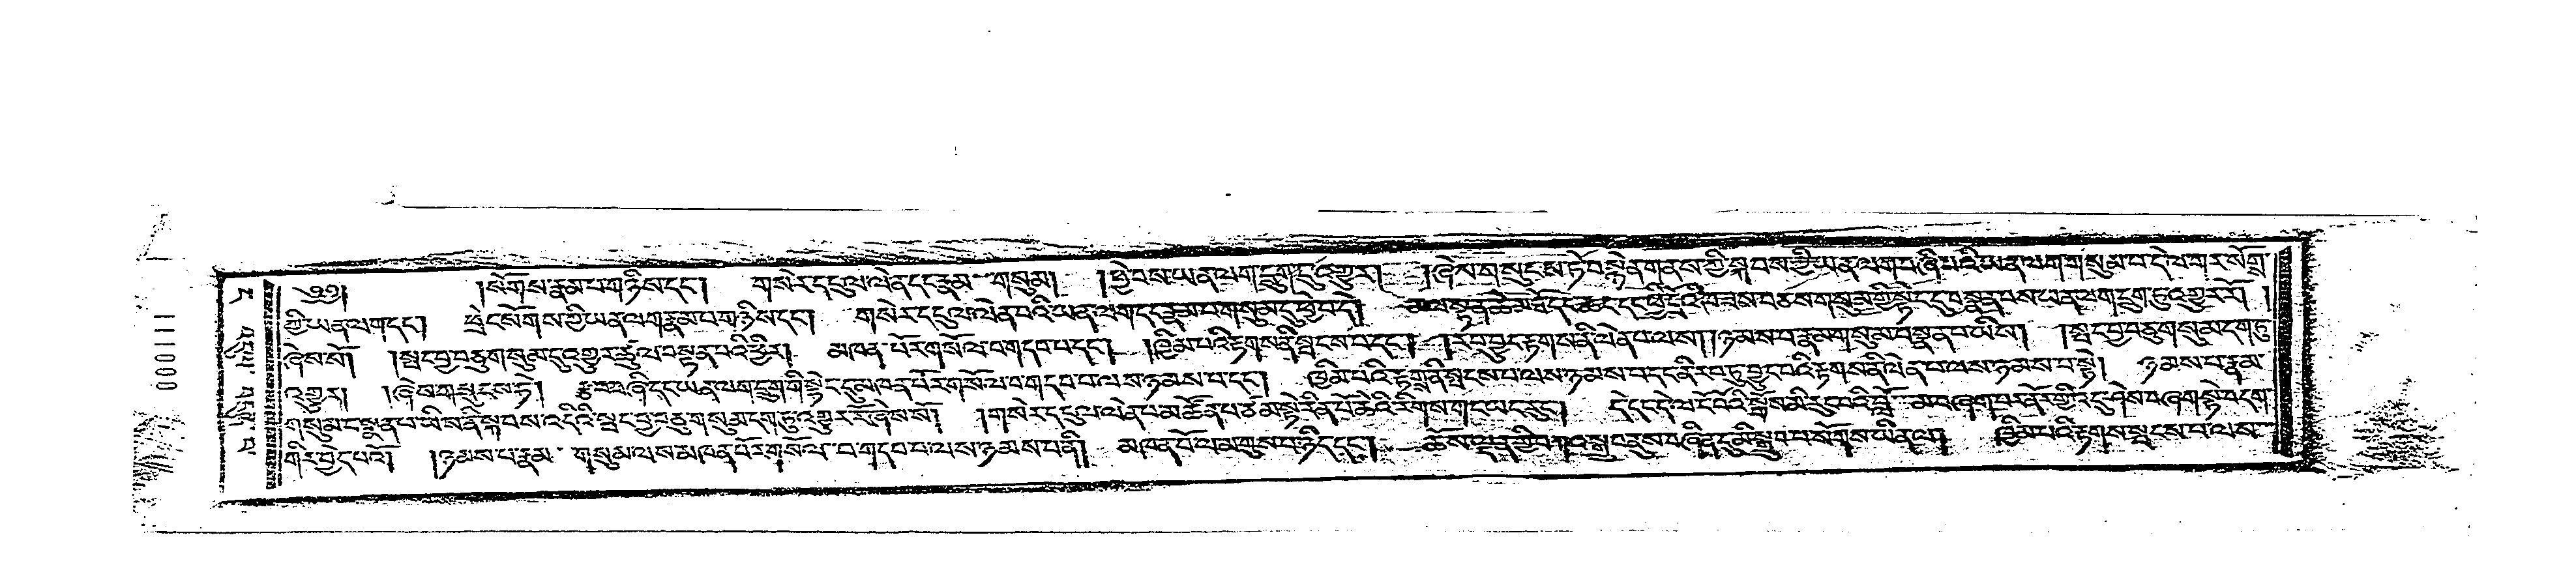༄༅། །སོགས་རྣམ་པ་གཉིས་དང་། གསེར་དངུལ་ལེན་དང་རྣམ་གསུམ། །ཕྱེ་བས་ཡན་ལག་དྲུག་དུ་འགྱུར། །ཞེས་གསུངས་ཏེ་བསྙེན་གནས་ཀྱི་སྐབས་ཀྱི་ཡན་ལག་བཞི་པའི་ཡན་ལག་གསུམ་པ་དེ་ལ་གར་སོགས་
ཀྱི་ཡན་ལག་དང་། ཕྲེང་སོགས་ཀྱི་ཡན་ལག་རྣམ་པ་གཉིས་དང་། གསེར་དངུལ་ལེན་པའི་ཡན་ལག་དང་རྣམ་པ་གསུམ་དུ་ཕྱེ་བ་དེ། མལ་སྟན་ཆེ་མཐོ་དང་ཆང་དང་ཕྱི་དྲོའི་ཁ་ཟས་བཅས་གསུམ་གྱི་སྟེང་དུ་བསྣན་པས་ཡན་ལག་དྲུག་ཏུ་འགྱུར་རོ། །
ཞེས་སོ། །སྤང་བྱ་བཅུ་གསུམ་དུ་འགྱུར་ཚུལ་བསྟན་པའི་ཕྱིར། མཁན་པོར་གསོལ་བ་གདབ་པ་དང་། །ཁྱིམ་པའི་རྟགས་ནི་སྤངས་པ་དང་། །རབ་བྱུང་རྟགས་ནི་ལེན་པ་ལས། །ཉམས་པ་རྣམ་གསུམ་བསྣན་པ་ཡིས། །སྤང་བྱ་བཅུ་གསུམ་དག་ཏུ་
འགྱུར། །ཞེས་གསུངས་ཏེ། རྩ་བ་བཞི་དང་ཡན་ལག་དྲུག་གི་སྟེང་དུ་མཁན་པོར་གསོལ་བ་གདབ་པ་ལས་ཉམས་པ་དང་། ཁྱིམ་པའི་རྟགས་ནི་སྤངས་པ་ལས་ཉམས་པ་དང་ནི་རབ་ཏུ་བྱུང་བའི་རྟགས་ནི་ལེན་པ་ལས་ཉམས་པ་སྟེ། ཉམས་པ་རྣམ་
གསུམ་བསྣན་པ་ཡིས་ནི་སྐབས་འདིའི་སྤང་བྱ་བཅུ་གསུམ་དག་ཏུ་འགྱུར་རོ་ཞེས་སོ། །གསེར་དངུལ་ལེན་པ་མཚོན་པ་ཙམ་སྟེ་རིན་པོ་ཆེའི་རིགས་གང་ཡང་རུང་། དེ་དང་དེ་ལ་ངོ་བོའི་སྒོས་མི་རུང་བའི་བློ་མ་བཞག་པར་ནོར་གྱི་འདུ་ཤེས་བཞག་སྟེ་བདག་
གིར་བྱེད་པའོ། །ཉམས་པ་རྣམ་གསུམ་ལས་མཁན་པོར་གསོལ་བ་གདབ་པ་ལས་ཉམས་པ་ནི། མཁན་པོ་ལ་མ་གུས་པ་ཉིད་དང་། ཆོས་ལྡན་གྱི་བཀའ་སྒྲུབ་ནུས་བཞིན་དུ་མི་སྒྲུབ་པ་སོགས་ཡིན་ལ། ཁྱིམ་པའི་རྟགས་སྤངས་པ་ལས་